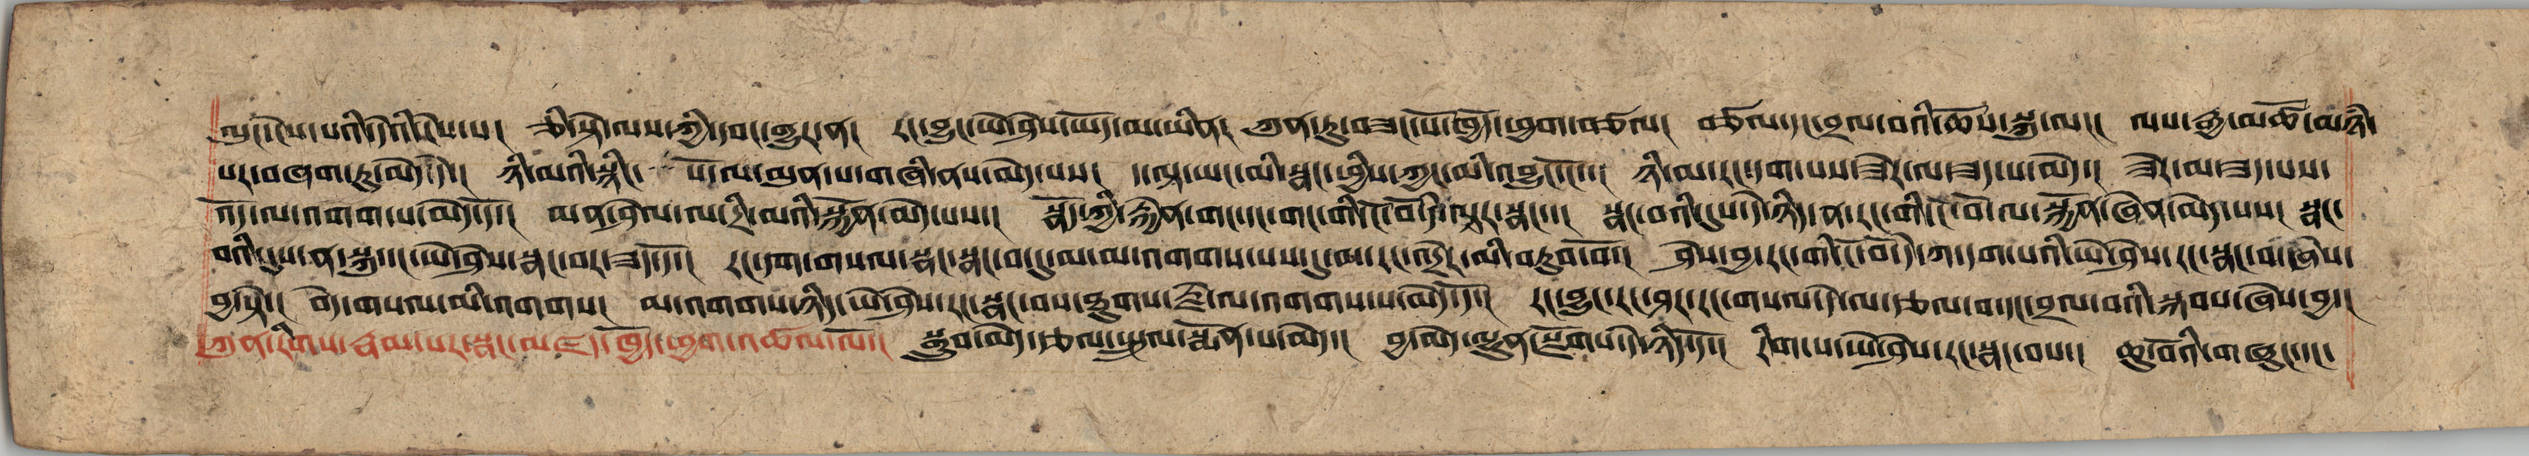ལུང་ངེས་པའི་དེའི་ངེས་པ། ཅི་སྟེ་ལས་ཀྱི་དབང་གྱུར་ན། རང་བྱུང་ཡེ་ཤེས་ཡོད་མ་ཡིན། ཀུན་ཏུ་བཟང་པོ་ཁྱོད་ཕྱག་བཙལ། བཙལ་དང་བྲལ་བའི་ཆོས་སྐུ་ལ།།། ལས་རྒྱ་མཚོ་མཉཾ་
པར་བཞག་ཏུ་མེད་དེ་། ཉི་མའི་སྙིང་ སོ་ལ་མུན་པ་གཞི་ནས་མེད་པས། ད་ལྟ་ཡང་མི་སྣང་ཕྱིས་ཀྱང་མི་འབྱུང་ངོ་་། ཉི་མ་རང་དག་པས་ཟེར་ལ་ཟད་པ་མེད་། ཟེར་མ་ཟད་པས་
འོད་ལ་འགག་པ་མེད་དོ་། མན་ཤེལ་ལ་དྲི་མའི་སྐྱོན་མེད་པས་། སྣོད་ཀྱི་རྐྱེན་གང་དང་གང་གི་ངོ་བོ་དེ་ལྟར་སྣང་་། སྣང་བའི་དུས་དེ་ཉིད་ན་རང་གི་ངོ་བོ་ལ་སྐྱོན་ཞེན་མེད་པས། སྣང་
བའི་དུས་ན་སྐུ་དང་ཡེ་ཤེས་སྣང་བར་ཟད་དོ་། རང་དག་གསལ་སྣང་སྣང་བ་དུ་མ་མ་འགགས་པས་དུ་མ་རང་འདྲེར་མི་བཏུབ་བོ་། ཤེས་བྱ་རང་གི་ངོ་བོ་ཀ་དག་པའི་ཡེ་ཤེས་རང་སྣང་བ་ཞེས་
བྱ་སྟེ་། བདེ་གསལ་མི་འགགས། མ་འགགས་ཉིད་ཡེ་ཤེས་རང་སྣང་བས་ཐུགས་རྗེ་ལ་འགགས་པ་མེད་དོ་། རང་བྱུང་རང་ཤར་རང་གསལ་དེ་ལ་རྩལ་བ་དང་བྲལ་བའི་སྐབས་ཞེས་བྱ་།
ཀུན་རིགས་རྣམ་པར་སྣང་མཛད་ཁྱོད་ཕྱག་འཚལ་ལོ་། སྒྲུབ་མེད་རྩལ་སྤྲུལ་སྨོན་པ་མེད་། བྱ་མེད་ལྷུན་སྫོགས་དེ་ཉིད་དོ་། རིག་པ་ཡེ་ཤེས་རང་སྣང་བས་། ཆུ་བོའི་གཞུང་དང་